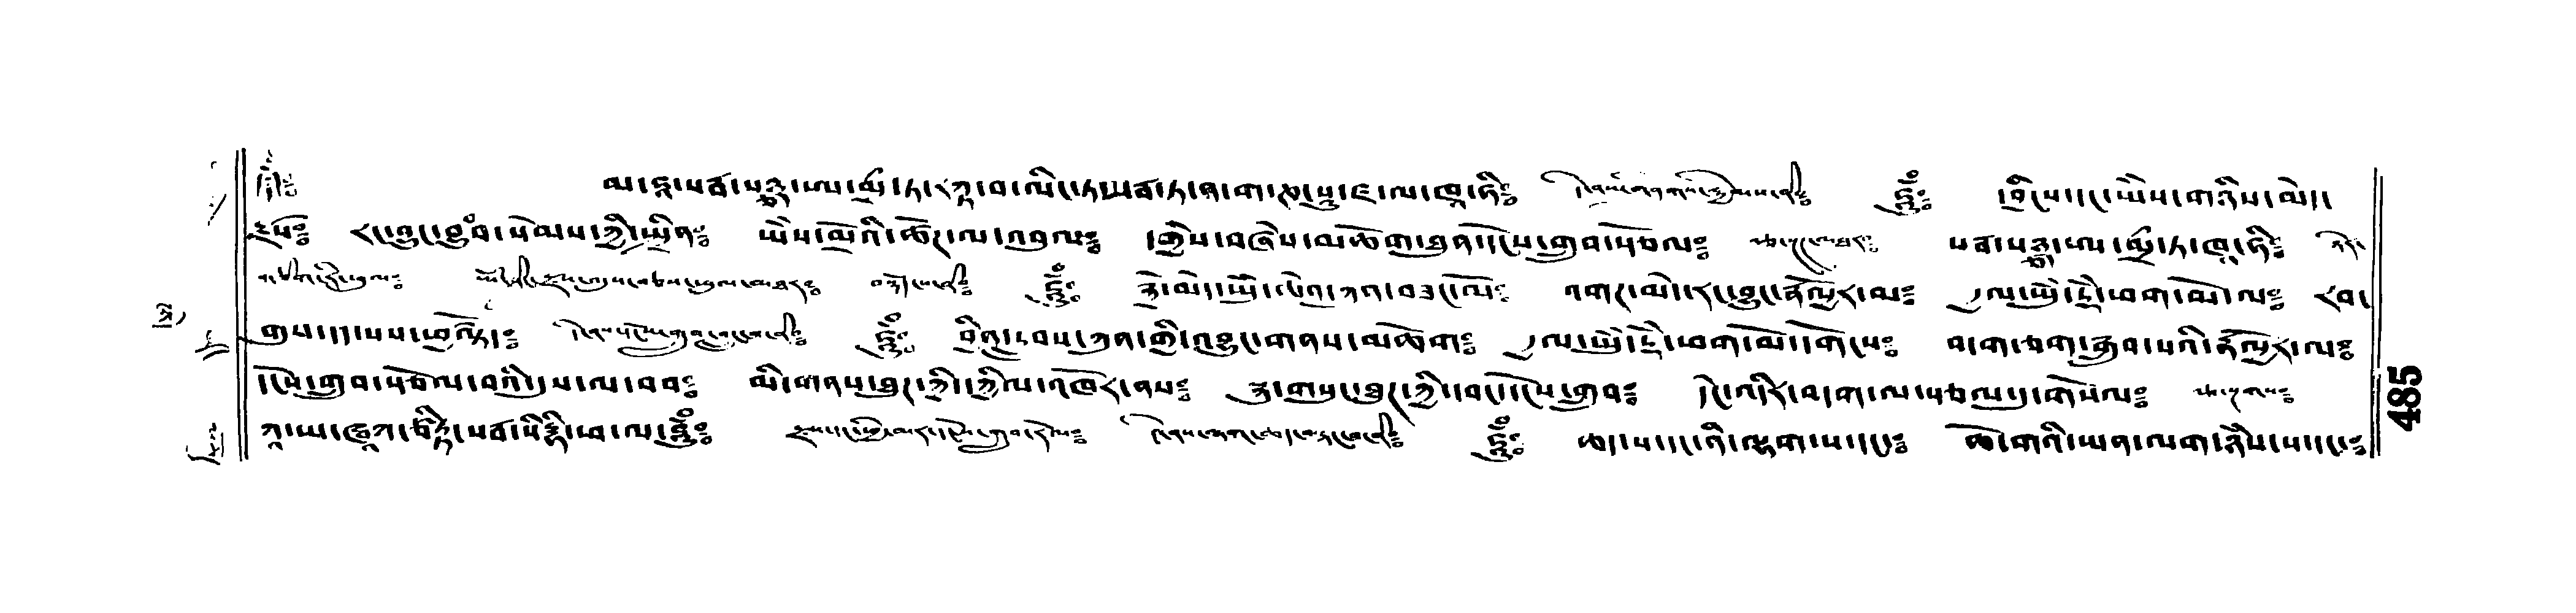མ་ཧཱ་སརྦ་པཉྩ་ཨ་མྲྀ་ཏ་རཀྟ་བ་ལིང་ཏ་སརྦ་ཏ་ན་ག་ཎ་པཱུ་ཛ་ལ་ཁཱ་ཧི༔ དེ་ནས་གཤེགས་སྐྱེམས་ནི༔ ཧཱུྃ༔ དབྱིངས་དང་ཡེ་ཤེས་གཉིས་མེད་
རྫས༔ རང་བྱུང་བྱང་ཆུབ་སེམས་ཀྱི་སྤྲིན༔ ཡེ་ཤེས་མཁའ་འགྲོའི་ཚོགས་ལ་འབུལ༔ དགྱེས་བཞེས་མཆོག་ཐུན་དངོས་གྲུབ་སྩོལ༔ རྩ་སྔགས་མཐར༔ སརྦ་པཉྩ་ཨ་མྲྀ་ཏ་ཁཱ་ཧི༔ ཉེར་
གཅིག་རེ་ཕུལ༔ ཡམ་ཤིང་རྫས་འདུས་བཅས་ཕུལ་མཐར༔ བསྟོད་པ་ནི༔ ཧཱུྃ༔ སྐྱེ་མེད་ཡུམ་ཆེན་ཀུན་བཟང་མོ༔ འགག་མེད་རང་བྱུང་རྣལ་འབྱོར་མ༔ རྒྱལ་ཡུམ་རྡོ་རྗེ་ཕག་མོ་ལ༔ རབ་
གུས་དད་པས་ཕྱག་འཚལ་བསྟོད༔ དེ་ནས་དངོས་གྲུབ་བླང་བ་ནི༔ ཧཱུྃ༔ བྱིན་རླབས་ཀུན་གྱི་འབྱུང་གནས་མཆོག༔ རྒྱལ་ཡུམ་རྡོ་རྗེ་ཕག་མོ་དགོངས༔ བདག་ཅག་སྒྲུབ་པའི་རྣལ་འབྱོར་ལ༔ 
དངོས་གྲུབ་སྩོལ་བའི་དུས་ལ་བབ༔ མི་གནས་ཐུགས་ཀྱི་དཀྱིལ་འཁོར་ནས༔ སྐུ་གསུང་ཐུགས་ཀྱི་དབང་དངོས་གྲུབ༔ དེང་འདིར་བདག་ལ་བསྩལ་དུ་གསོལ༔རྩ་སྔགས༔ 
ཀཱ་ཡ་ཝཱཀྐ་ཙིཏྟ་སརྦ་སིདྡྷི་ཕ་ལ་ཧཱུྃ༔ རྫས་དང་ཕྱེ་མར་དངོས་གྲུབ་རོལ༔ དེ་ནས་ལྷག་ཆད་བསྐང་བ་ནི༔ ཧཱུྃ༔ ཆད་པ་དང་ནི་ལྷག་པ་དང༔ ཆོ་གའི་ཡན་ལག་ཉམས་པ་དང༔